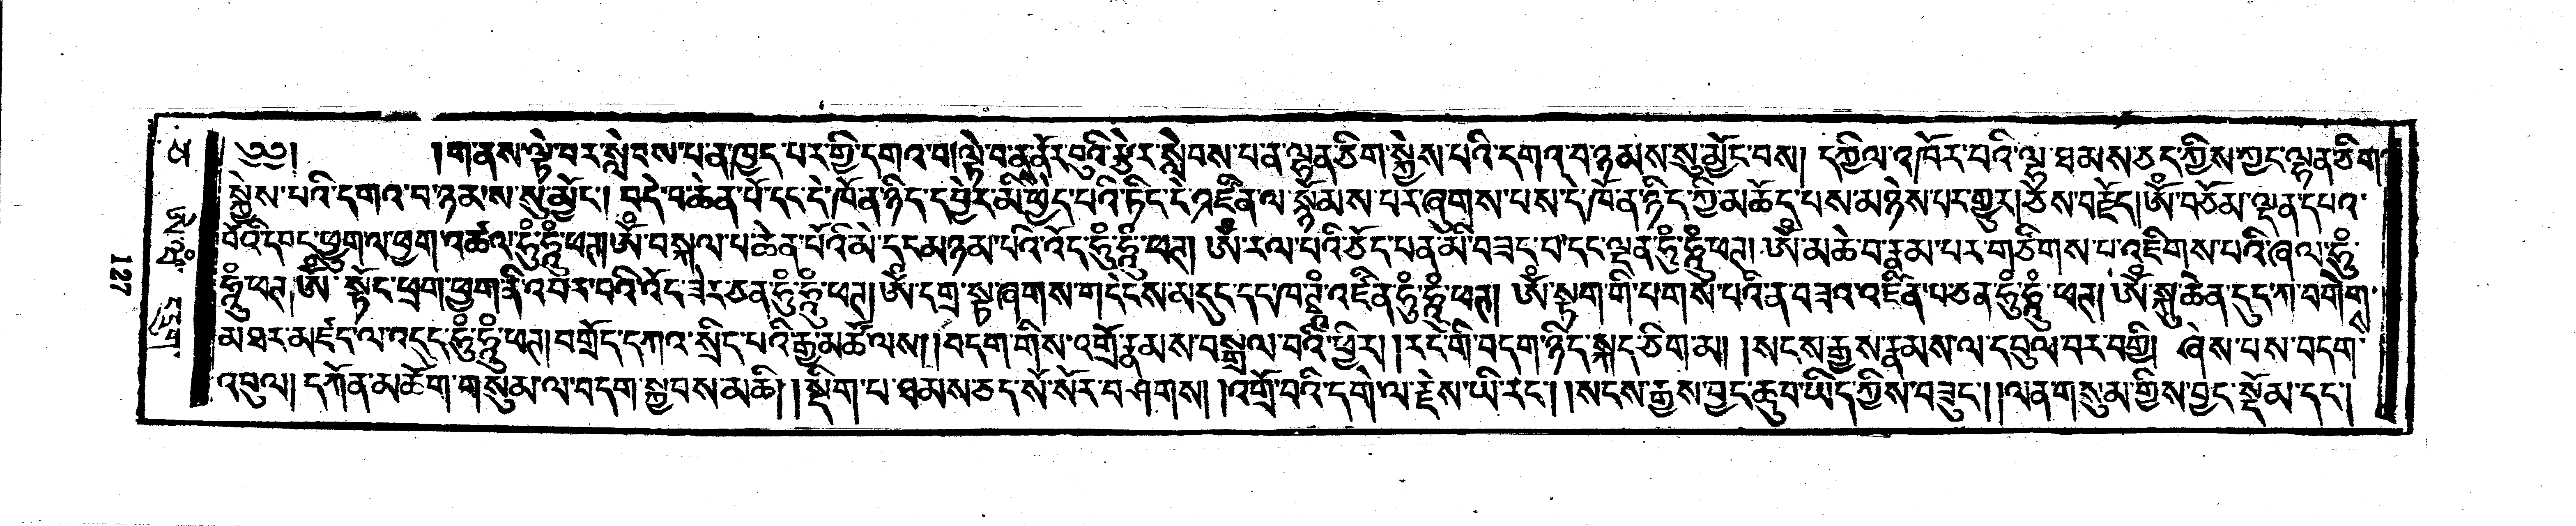༄༅། །ག་ནས་ལྟེ་བར་སླེབས་པ་ན་ཁྱད་པར་གྱི་དགའ་བ། ལྟེ་བ་ནས་ནོར་བུའི་རྩེར་སླེབས་པ་ན་ལྷན་ཅིག་སྐྱེས་པའི་དགའ་བ་ཉམས་སུ་མྱོང་བས། དཀྱིལ་འཁོར་བའི་ལྷ་ཐམས་ཅད་ཀྱིས་ཀྱང་ལྷན་ཅིག་
སྐྱེས་པའི་དགའ་བ་ཉམས་སུ་མྱོང་། བདེ་བ་ཆེན་པོ་དང་དེ་ཁོ་ན་ཉིད་དབྱེར་མི་ཕྱེད་པའི་ཏིང་ངེ་འཛིན་ལ་སྙོམས་པར་ཞུགས་པས་དེ་ཁོ་ན་ཉིད་ཀྱི་མཆོད་པས་མཉེས་པར་གྱུར། ཅེས་བརྗོད། ཨོཾ་བཅོམ་ལྡན་དཔའ་
བོའི་དབང་ཕྱུག་ལ་ཕྱག་འཚལ་ཧུཾ་ཧཱུཾ་ཕཊ། ཨོཾ་བསྐལ་པ་ཆེན་པོའི་མེ་དང་མཉམ་པའི་འོད་ཧུཾ་ཧཱུཾ་ཕཊ། ཨོཾ་རལ་པའི་ཅོད་པན་མི་བཟད་པ་དང་ལྡན་ཧུཾ་ཧཱུཾ་ཕཊ། ཨོཾ་མཆེ་བ་རྣམ་པར་གཙིགས་པ་འཇིགས་པའི་ཞལ་ཧུཾ་
ཧཱུཾ་ཕཊ། ཨོཾ་སྟོང་ཕྲག་ཕྱག་ནི་འབར་བའི་འོད་ཟེར་ཅན་ཧུཾ་ཧཱུཾ་ཕཊ། ཨོཾ་དགྲ་སྟ་ཞགས་གདེངས་མདུང་དང་ཁ་ཊྭཱཾ་འཛིན་ཧུཾ་ཧཱུཾ་ཕཊ། ཨོཾ་སྟག་གི་པགས་པའི་ན་བཟའ་འཛིན་པ་ཅན་ཧུཾ་ཧཱུཾ་ཕཊ། ཨོཾ་སྐུ་ཆེན་དུད་ཀ་བགེགས་
མཐར་མཛད་ལ་འདུད་ཧུཾ་ཧཱུཾ་ཕཊ། བགྲོད་དཀའ་སྲིད་པའི་རྒྱ་མཚོ་ལས། །བདག་གིས་འགྲོ་རྣམས་བསྒྲལ་བའི་ཕྱིར། །རང་གི་བདག་ཉིད་སྐད་ཅིག་མ། །སངས་རྒྱས་རྣམས་ལ་དབུལ་བར་བགྱི། ཞེས་པས་བདག་
འབུལ། དཀོན་མཆོག་གསུམ་ལ་བདག་སྐྱབས་མཆི། །སྡིག་པ་ཐམས་ཅད་སོ་སོར་བཤགས། །འགྲོ་བའི་དགེ་ལ་རྗེས་ཡི་རང་། །སངས་རྒྱས་བྱང་ཆུབ་ཡིད་ཀྱིས་བཟུང་། །ལན་གསུམ་གྱིས་བྱང་སྡོམ་དང་།